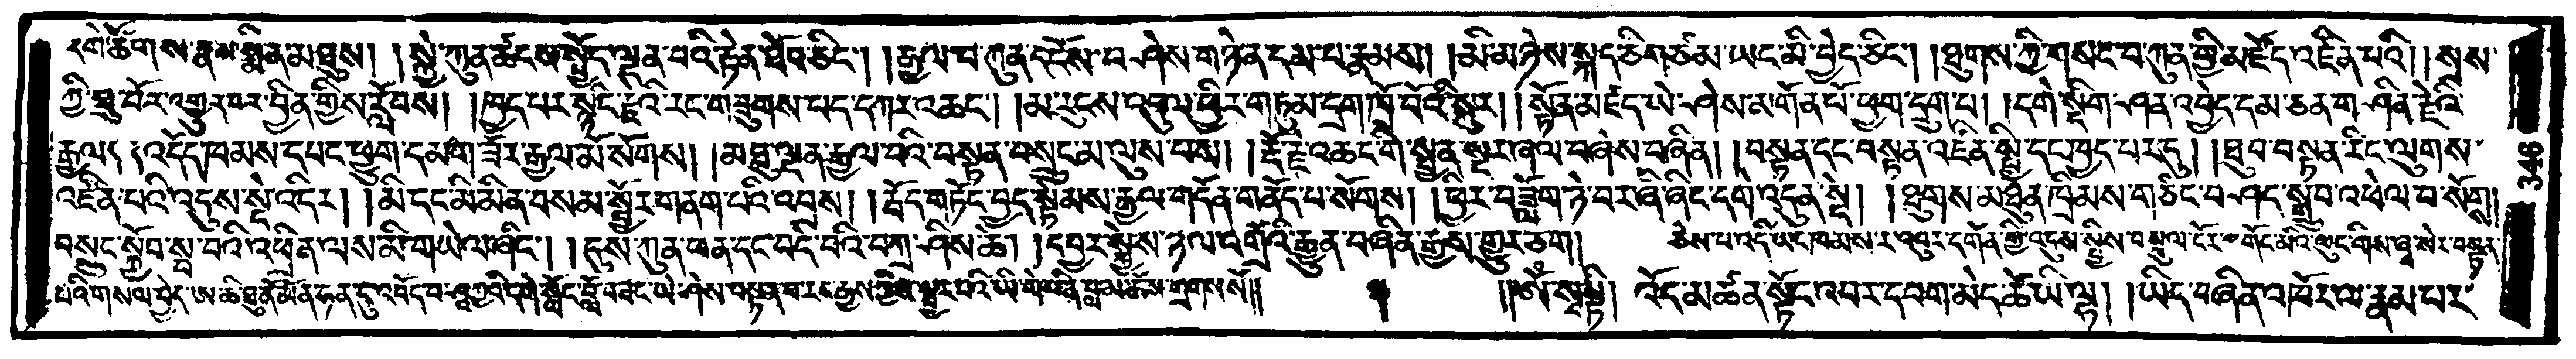དགེ་ཚོགས་རྣམ་སྨིན་མཐུས། །སྐྱེ་ཀུན་ཚངས་སྤྱོད་ལྡན་པའི་རྟེན་ཐོབ་ཅིང་། །རྒྱལ་བ་ཀུན་དངོས་བཤེས་གཉེན་དམ་པ་རྣམས། །མི་མཉེས་སྐད་ཅིག་ཙམ་ཡང་མི་བྱེད་ཅིང་། །ཐུགས་ཀྱི་གསང་བ་ཀུན་གྱི་མཛོད་འཛིན་པའི། །སྲས་
ཀྱི་ཐུ་བོར་འགྱུར་བར་བྱིན་གྱིས་རློབས། །ཁྱད་པར་སྙིང་རྗེའི་རང་གཟུགས་པད་དཀར་འཆང་། །མ་རུངས་འདུལ་ཕྱིར་གཏུམ་དྲག་ཁྲོ་བོའི་སྐུར། །སྟོན་མཛད་ཡེ་ཤེས་མགོན་པོ་ཕྱག་དྲུག་པ། །དགེ་སྡིག་ཤན་འབྱེད་དམ་ཅན་གཤིན་རྗེའི་
རྒྱལ། །འདོད་ཁམས་དཔང་ཕྱུག་དམག་ཟོར་རྒྱལ་མོ་སོགས། །མཐུ་ལྡན་རྒྱལ་བའི་བསྟན་བསྲུང་མ་ལུས་པས། །རྡོ་རྗེ་འཆང་གི་སྤྱན་སྔར་ཞལ་བཞེས་བཞིན། །བསྟན་དང་བསྟན་འཛིན་སྤྱི་དང་ཁྱད་པར་དུ། །ཐུབ་བསྟན་རིང་ལུགས་
འཛིན་པའི་འདུས་སྡེ་འདིར། །མི་དང་མི་མིན་བསམ་སྦྱོར་གནག་པའི་འབྲས། །རྦོད་གཏོང་བྱད་སྟེམས་རྒྱལ་གདོན་གནོད་པ་སོགས། །ཕྱིར་བཟློག་ཉེ་བར་ཞི་ཞིང་དགེ་འདུན་སྡེ། །ཐུགས་མཐུན་ཁྲིམས་གཙང་བཤད་སྒྲུབ་འཕེལ་བ་སོགས། །
བསྲུང་སྐྱོབ་སྦ་བའི་འཕྲིན་ལས་མི་གཡེལ་ཞིང་། །དུས་ཀུན་ཕན་དང་བདེ་བའི་བཀྲ་ཤིས་ཆེ། །དབྱར་སྐྱེས་ཉལ་འགྲོའི་རྒྱུན་བཞིན་རྒྱས་གྱུར་ཅིག །ཅེས་པ་འདི་ཡང་ཁམས་ར་འབུར་དགོན་གྱི་འདུས་སྤྱིས་བསྐུལ་ངོར ༧གོང་མའི་ལུང་གིས་ཞྭ་སེར་བསྟན་
པའི་གསལ་བྱེད་ཨ་ཆི་ཐུ་ནོ་མོན་ཧན་དུ་འབོད་པ་ཤཱཀྱའི་དགེ་སློང་བློ་བཟང་ཡེ་ཤེས་བསྟན་པ་རབ་རྒྱས་ཀྱིས་སྦྱར་བའི་ཡི་གེ་བ་ནི་བླ་མ་ཆོས་གྲགས་སོ།། ༈ །།ཨོཾ་སྭསྟི། འོད་མཚན་སྟོང་འབར་དཔག་མེད་ཚེ་ཡི་ལྷ། །ཡིད་བཞིན་འཁོར་ལ་རྣམ་པར་